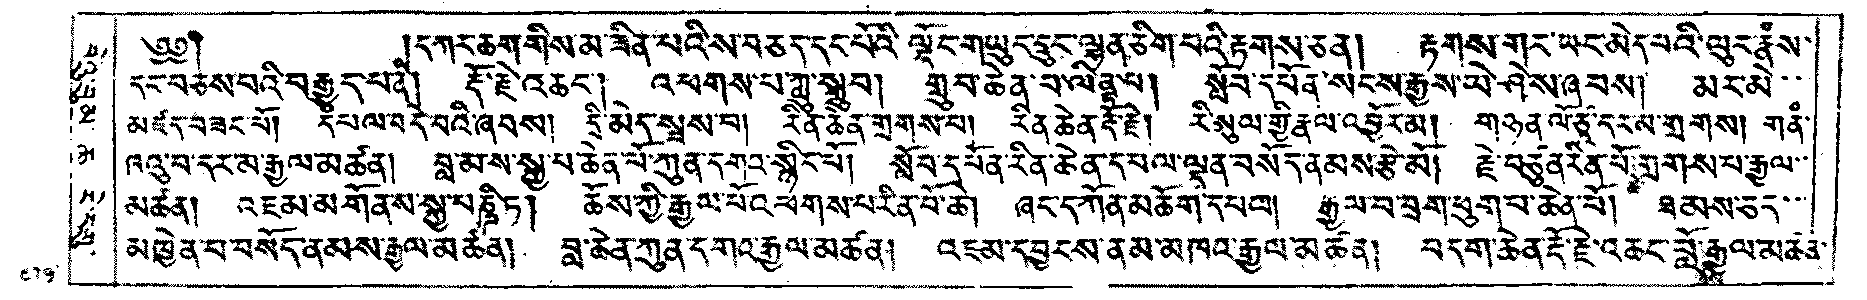༄༅། །དཀར་ཆག་གིས་མ་ཟིན་པའི་ས་བཅད་དང་པོའི་ལྡོང་གཡུང་དྲུང་ལྷན་ཅིག་པའི་རྟགས་ཅན། རྟགས་གང་ཡང་མེད་པའི་ལུང་རྣམས་
དང་བཅས་པའི་བརྒྱུད་པ་ནི། རྡོ་རྗེ་འཆང་། འཕགས་པ་ཀླུ་སྒྲུབ། གྲུབ་ཆེན་བ་ལིནྟ་པ། སློབ་དཔོན་སངས་རྒྱས་ཡེ་ཤེས་ཞབས། མར་མེ་
མཛད་བཟང་པོ། དཔལ་བདེ་བའི་ཞབས། དྲི་མེད་སྦས་པ། རིན་ཆེན་གྲགས་པ། རིན་ཆེན་རྡོ་རྗེ། རི་སུལ་གྱི་རྣལ་འབྱོར་མ། གཉན་ལོ་ཙཱ་དར་མ་གྲགས། གནཾ་
ཁའུ་པ་དར་མ་རྒྱལ་མཚན། བླ་མ་ས་སྐྱ་པ་ཆེན་པོ་ཀུན་དགའ་སྙིང་པོ། སློབ་དཔོན་རིན་ཆེན་དཔལ་ལྡན་བསོད་ནམས་རྩེ་མོ། རྗེ་བཙུན་རིན་པོ་ཆེ་གྲགས་པ་རྒྱལ་
མཚན། འཇམ་མགོན་ས་སྐྱ་པཎྜི་ཏ། ཆོས་ཀྱི་རྒྱལ་པོ་འཕགས་པ་རིན་པོ་ཆེ། ཞང་དཀོན་མཆོག་དཔལ། རྒྱལ་བ་བྲག་ཕུག་པ་ཆེན་པོ། ཐམས་ཅད་
མཁྱེན་པ་བསོད་ནམས་རྒྱལ་མཚན། བླ་ཆེན་ཀུན་དགའ་རྒྱལ་མཚན། འཇམ་དབྱངས་ནམ་མཁའ་རྒྱལ་མཚན། བདག་ཆེན་རྡོ་རྗེ་འཆང་བློ་གྲོས་རྒྱལ་མཚན་